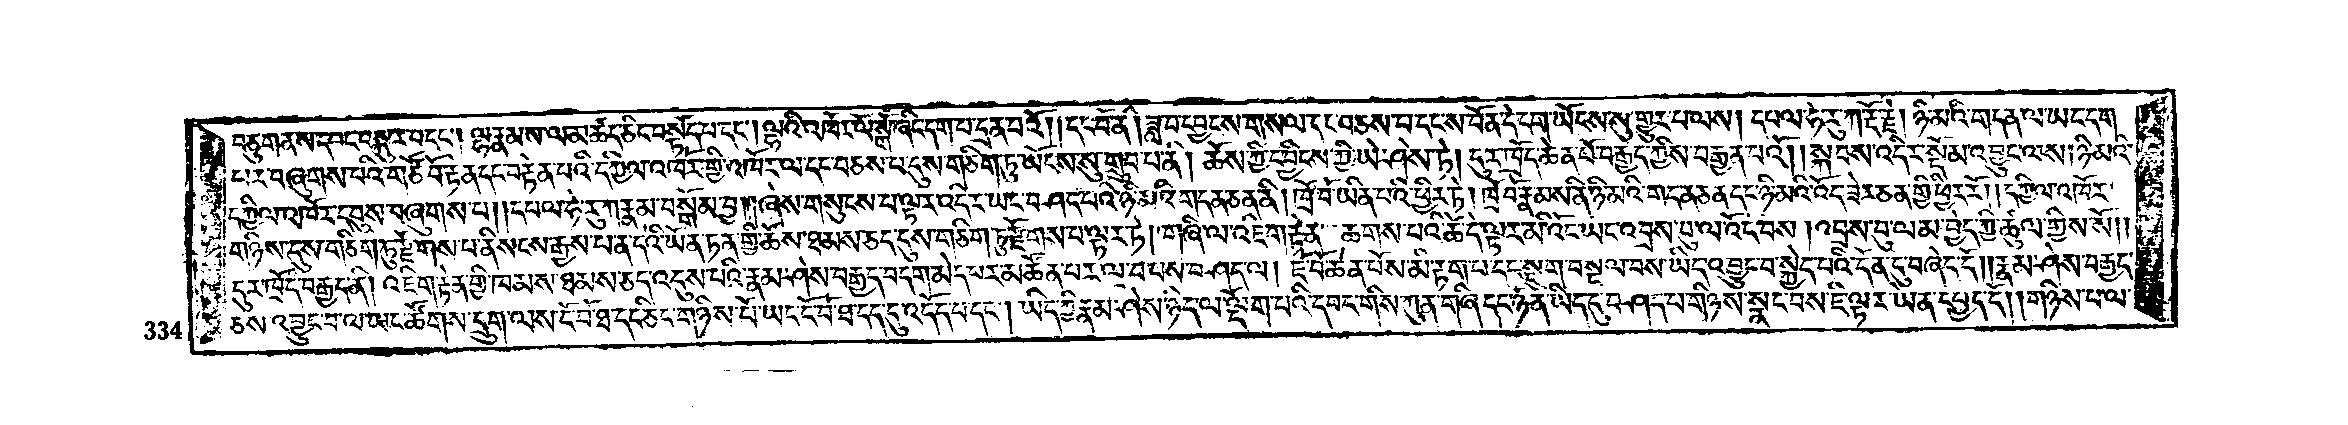བཅུག་ནས་དབང་བསྐུར་བ་དང་། ལྷ་རྣམས་ལ་མཚད་ཅིང་བསྟོད་པ་དང་། ལྷའི་འཁོར་ལོ་སྒོཾ་ཞིང་དག་པ་དྲན་པའོ། །དང་པོ་ནི། ཟླ་བ་དབྱངས་གསལ་དང་བཅས་པ་དང་ས་བོན་དེ་དག་ཡོངས་སུ་གྱུར་པ་ལས། དཔལ་ཧེ་རུ་ཀ་རྡོ་རྗེ། ཉི་མའི་གདན་ལ་ཡང་དག་
པར་བཞུགས་པའི་གཙོ་བོ་རྟེན་དང་བརྟེན་པའི་དཀྱིལ་འཁོར་གྱི་འཁོར་ལ་དང་བཅས་པ་དུས་གཅིག་ཏུ་ཡོངས་སུ་གྲུབ་པ་ནི། ཆོས་ཀྱི་དབྱིངས་ཀྱི་ཡེ་ཤེས་ཏེ། དུར་ཁྲོད་ཆེན་པོ་བརྒྱད་ཀྱིས་བརྒྱན་པའོ། །སྐབས་འདིར་སྡོམ་འབྱུང་ལས། ཉི་མའི་
དཀྱིལ་འཁོར་དབུས་བཞུགས་པ། །དཔལ་ཧེ་རུ་ཀ་རྣམ་བསྒོམ་བྱ། །ཞེས་གསུངས་པ་ལྟར་འདིར་ཡང་བཤད་པའི་ཉི་མའི་གདན་ཅན་ནི། ཁྲོ་བོ་ཡིན་པའི་ཕྱིར་ཏེ། ཁྲོ་བོ་རྣམས་ནི་ཉི་མའི་གདན་ཅན་དང་ཉི་མའི་འོད་ཟེར་ཅན་གྱི་ཕྱིར་རོ། །དཀྱིལ་འཁོར་
གཉིས་དུས་གཅིག་ཏུ་རྫོགས་པ་ནི་སངས་རྒྱས་པ་ནི་དེའི་ཡོན་ཏན་གྱི་ཆོས་ཐམས་ཅད་དུས་གཅིག་ཏུ་རྫོགས་པ་ལྟར་ཏེ། གཞི་ལ་འཇིག་རྟེན་ཆགས་པའི་ཚེ་ད་ལྟར་མི་འོང་ཡང་འབྲས་བུ་ལ་འོང་བས། འབྲས་བུ་ལམ་བྱེད་ཀྱི་ཚུལ་གྱིས་སོ།།
དུར་ཁྲད་བརྒྱད་ནི། འཇིག་རྟེན་གྱི་ཁམས་ཐམས་ཅད་འདུས་པའི་རྣམ་ཤེས་བརྒྱད་བདག་མེད་པར་མཚོན་པར་ལྭ་བ་པས་བཤད་ལ། ཇོ་བོ་ཆེན་པོས་མི་རྟག་པ་དང་སྡུག་བསྔལ་བས་ཡིད་འབྱུང་བ་སྐྱེད་པའི་དོན་དུ་བཞེད་དོ། །རྣམ་ཤེས་བརྒྱད་
ཅེས་འབྱུང་བ་ལ་ཡང་ཚོགས་དྲུག་ལས་ངོ་བོ་ཐ་དང་ཅིང་གཉིས་པོ་ཡང་ངོ་བོ་ཐ་དད་དུ་འདོད་པ་དང་། ཡིད་ཀྱི་རྣམ་ཤེས་ཉིད་ལ་ལྡོག་པའི་དབང་གིས་ཀུན་གཞི་དང་ཉོན་ཡིད་དུ་བཤད་པ་གཉིས་སྣང་བས་ཇི་ལྟར་ཡིན་དཔྱད་དོ། །གཉིས་པ་ལ་